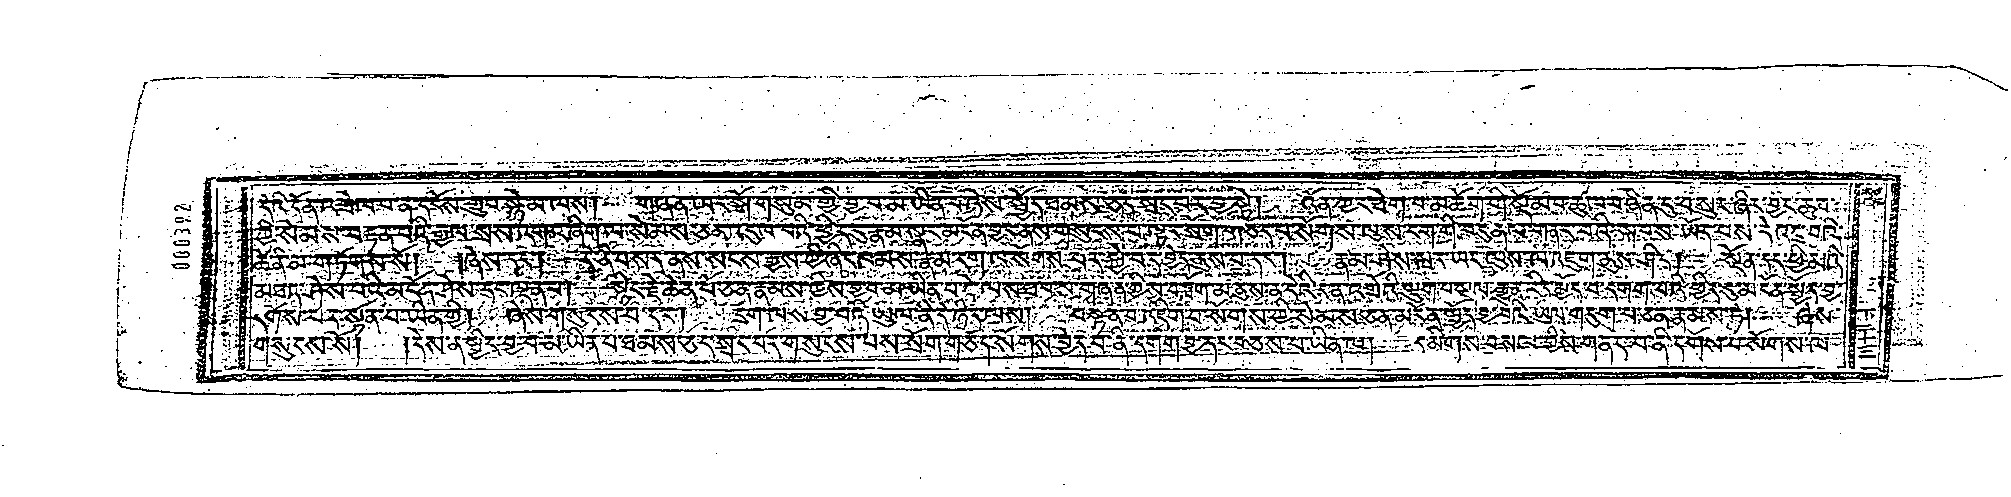དེའི་དོན་འགྲེལ་བ་ན་དངོས་གྲུབ་སྙེ་མ་ལས། གཞན་ཡང་སྒོ་གསུམ་གྱི་བྱ་བ་མ་ཡིན་པ་ཉེས་སྤྱོད་ཐམས་ཅད་སྤང་པར་བྱ་སྟེ། འོན་ཀྱང་ཐེག་པ་མཆོག་གི་སྡོམ་པ་ཚུལ་བཞིན་དུ་བསྲུང་ཞིང་བྱང་ཆུབ་
ཀྱི་སེམས་བརྟན་པའི་རྒྱལ་སྲས་འགའ་ཞིག་ལ་སེམས་ཅན་འདུལ་བའི་ཕྱིར་དུ་རྣམ་སྣང་མངོན་བྱད་ནས་གསུངས་པ་ལྟར་སྲོག་གཅོད་པ་སོགས་ལུས་ངག་གི་བདུན་ལ་གནང་བའི་སྐབས་ཡོད་པས་དེ་འདྲ་བའི་
ཚེ་ནི་མ་གཏོགས་སོ། །ཞེས་དང་། དེ་ནི་བསད་ནས་སངས་རྒྱས་ཀྱི་ཞིང་ཁམས་རྣམ་དག་ལ་སོགས་པར་སྐྱེ་བར་བྱེད་ནུས་པ་དང་། རྣམ་ཤེས་སླར་ཡང་ལུས་ལ་འཇུག་ནུས་ཤིང་། སྔོན་དང་ཕྱི་མའི་
མཐའ་ཤེས་པའི་མངོན་ཤེས་དང་ལྡན་པ། སྙིང་རྗེ་ཆེན་པོ་ཅན་རྣམས་ཀྱིས་བྱ་བ་མ་ཡིན་པ་དེ་ལས་ཐབས་གཞན་གྱིས་བཟློག་མ་ནུས་ན་དེའི་ངན་འགྲོའི་སྡུག་བསྔལ་རྒྱུན་རིང་མྱོང་བ་དགག་པའི་ཕྱིར་དུ་མངོན་སྦྱོད་བྱ་
དགོས་པར་སྟོན་པ་ཡིན་གྱི། ཞེས་གསུངས་པ་དང་། དྲག་ལས་བྱ་བའི་ཡུལ་ནི་དེ་ཉིད་ལས། བསྟན་བ་འཇིག་བ་སོགས་ཀྱི་སེམས་ཅན་མངོན་སྤྱོད་བྱ་བའི་ཡུལ་གདུག་པ་ཅན་རྣམས་ཏེ། ཞེས་
གསུངས་སོ། །དེས་ན་སྦྱིར་བྱ་བ་མ་ཡིན་པ་ཐམས་ཅད་སྤང་པར་གསུངས་པས་སྲོག་གཅོད་སོགས་བྱེད་བ་ནི་དགག་བྱ་དང་བཅས་པ་ཡིན་ལ། དམིགས་བསལ་གྱིས་གནད་བ་ནི་དགོས་པ་སོགས་ལ་